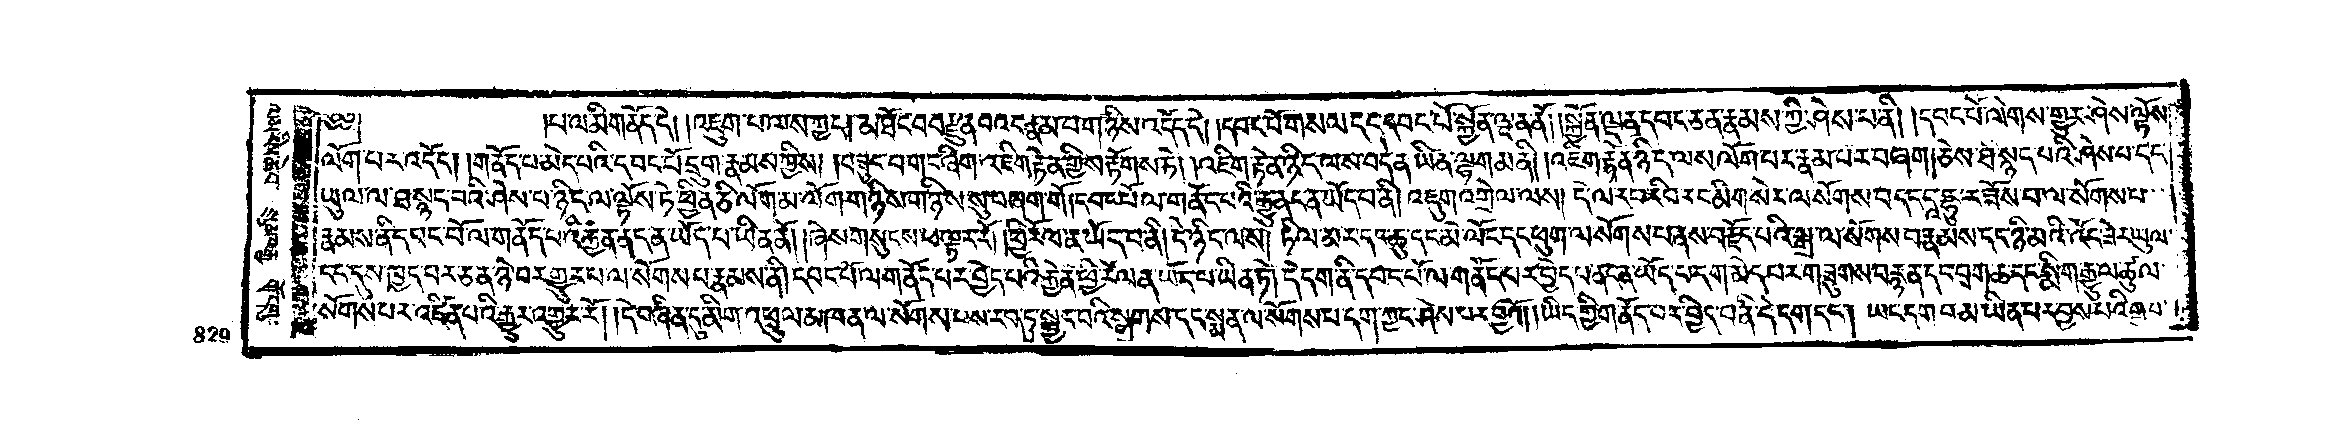༄༅། །པ་ལ་མི་གནོད་དོ། །འཇུག་པ་ལས་ཀྱང་། མཐོང་བ་བརྫུན་པའང་རྣམ་པ་གཉིས་འདོད་དེ། །དབང་པོ་གསལ་དང་དབང་པོ་སྐྱོན་ལྡན་ནོ། །སྐྱོན་ལྡན་དབང་ཅན་རྣམས་ཀྱི་ཤེས་པ་ནི། །དབང་པོ་ལེགས་གྱུར་ཤེས་ལྟོས་
ལོག་པར་འདོད། །གནོད་པ་མེད་པའི་དབང་པོ་དྲུག་རྣམས་ཀྱིས། །བཟུང་བ་གང་ཞིག་འཇིག་རྟེན་གྱིས་རྟོགས་ཏེ། །འཇིག་རྟེན་ཉིད་ལས་བདེན་ཡིན་ལྷག་མ་ནི། །འཇིག་རྟེན་ཉིད་ལས་ལོག་པར་རྣམ་པར་བཞག །ཅེས་ཐ་སྙད་པའི་ཤེས་པ་དང་
ཡུལ་ལ་ཐ་སྙད་པའི་ཤེས་པ་ཉིད་ལ་ལྟོས་ཏེ་ཕྱིན་ཅི་ལོག་མ་ལོག་གཉིས་གཉིས་སུ་བཞག་གོ །དབང་པོ་ལ་གནོད་པའི་རྒྱུ་ནང་ན་ཡོད་པ་ནི། འཇུག་འགྲེལ་ལས། དེ་ལ་རབ་རིབ་དང་མིག་སེར་ལ་སོགས་པ་དང་དཱ་དྷུ་ར་ཟོས་པ་ལ་སོགས་པ་
རྣམས་ནི་དབང་པོ་ལ་གནོད་པའི་རྐྱེན་ནང་ན་ཡོད་པ་ཡིན་ནོ། །ཞེས་གསུངས་པ་ལྟར་རོ། །ཕྱི་རོལ་ན་ཡོད་པ་ནི། དེ་ཉིད་ལས། ཏིལ་མར་དང་ཆུ་དང་མེ་ལོང་དང་ཕུག་ལ་སོགས་པ་ནས་བརྗོད་པའི་སྒྲ་ལ་སོགས་པ་རྣམས་དང་ཉི་མའི་འོད་ཟེར་ཡུལ་
དང་དུས་ཁྱད་པར་ཅན་ཉེ་བར་གྱུར་པ་ལ་སོགས་པ་རྣམས་ནི། དབང་པོ་ལ་གནོད་པར་བྱེད་པའི་རྐྱེན་ཕྱི་རོལ་ན་ཡོད་པ་ཡིན་ཏེ། དེ་དག་ནི་དབང་པོ་ལ་གནོད་པར་བྱེད་པ་ནང་ན་ཡོད་པ་དག་མེད་པར་གཟུགས་བརྙན་དང་བྲག་ཆ་དང་སྨིག་རྒྱུ་ལ་ཆུ་ལ་
སོགས་པར་འཛིན་པའི་རྒྱུར་འགྱུར་རོ། །དེ་བཞིན་དུ་མིག་འཕྲུལ་མཁན་ལ་སོགས་པས་རབ་ཏུ་སྦྱར་བའི་སྔགས་དང་སྨན་ལ་སོགས་པ་དག་ཀྱང་ཤེས་པར་བྱའོ། །ཡིད་ཀྱི་གནོད་པར་བྱེད་པ་ནི་དེ་དག་དང་། ཡང་དག་པ་མ་ཡིན་པར་བྱས་པའི་གྲུབ་